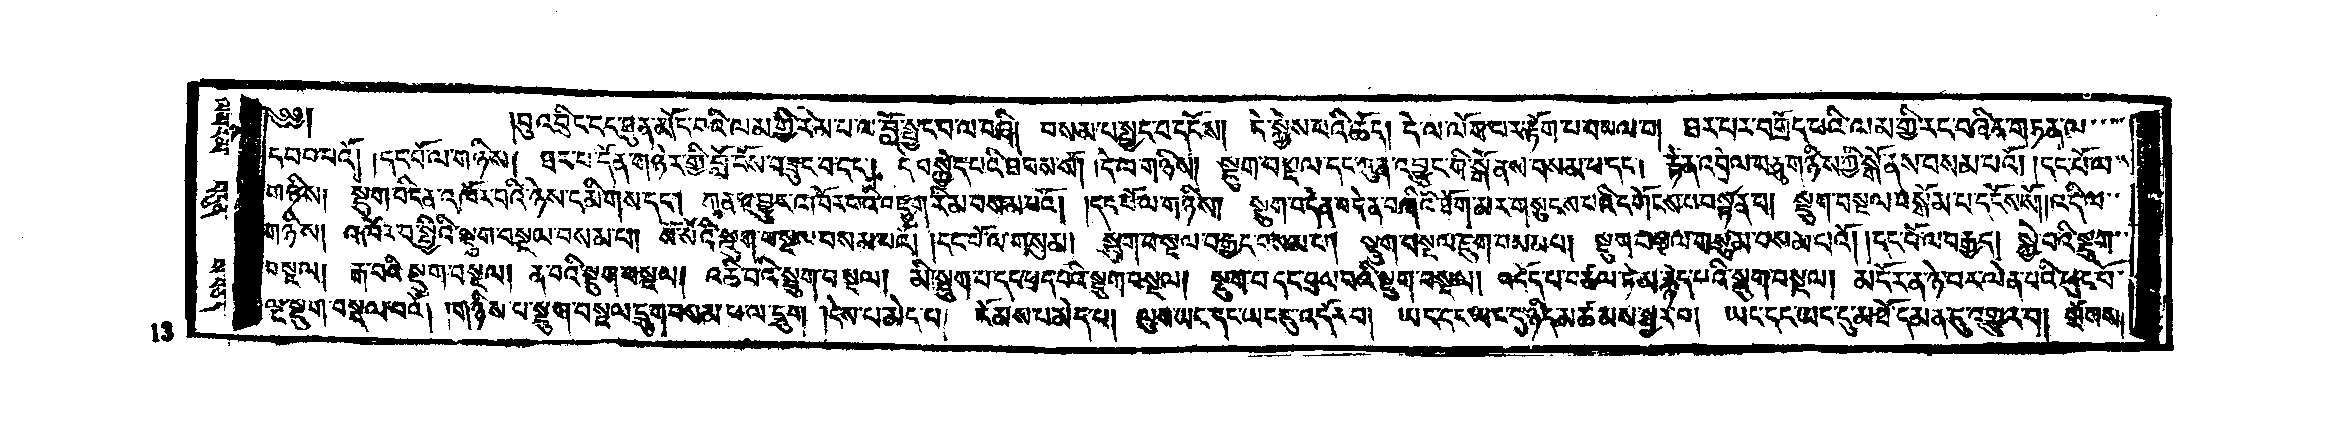༄༅། །བུ་འབྲིང་དང་ཐུན་མོང་བའི་ལམ་གྱི་རིམ་པ་ལ་བློ་སྦྱང་བ་ལ་བཞི། བསམ་པ་སྤྱང་བ་དངོས། དེ་སྐྱེས་པའི་ཚད། དེ་ལ་ལོག་པར་རྟོག་པ་བསལ་བ། ཐར་པར་བགྲོད་པའི་ལམ་གྱི་རང་བཞིན་གཏན་ལ་
འབབ་པའོ། །དང་པོ་ལ་གཉིས། ཐར་པ་དོན་གཉེར་གྱི་བློ་ངོས་བཟུང་བ་དང་། དེ་བསྐྱེད་པའི་ཐབས་སོ། །དེ་ལ་གཉིས། སྡུག་བསྔལ་དང་ཀུན་འབྱུང་གི་སྒོ་ནས་བསམ་པ་དང་། རྟེན་འབྲེལ་བཅུ་གཉིས་ཀྱི་སྒོ་ནས་བསམ་པའོ། །དང་པོ་ལ་
གཉིས། སྡུག་བདེན་འཁོར་བའི་ཉེས་དམིགས་དང་། ཀུན་འབྱུང་འཁོར་བའི་འཇུག་རིམ་བསམ་པའོ། །དང་པོ་ལ་གཉིས། སྡུག་བདེན་བདེན་བཞིའི་ཐོག་མར་གསུངས་པའི་དགོངས་པ་བསྟན་པ། སྡུག་བསྔལ་བསྒོམ་པ་དངོས་སོ། །འདི་ལ་
གཉིས། འཁོར་བ་སྤྱིའི་སྡུག་བསྔལ་བསམ་པ། སོ་སོའི་སྡུག་བསྔལ་བསམ་པའོ། །དང་པོ་ལ་གསུམ། སྡུག་བསྔལ་བརྒྱད་བསམ་པ། སྡུག་བསྔལ་དྲུག་བསམ་པ། སྡུག་བསྔལ་གསུམ་བསམ་པའོ། །དང་པོ་ལ་བརྒྱད། སྐྱེ་བའི་སྡུག་
བསྔལ། རྒ་བའི་སྡུག་བསྔལ། ན་བའི་སྡུག་བསྔལ། འཆི་བའི་སྡུག་བསྔལ། མི་སྡུག་པ་དང་ཕྲད་པའི་སྡུག་བསྔལ། སྡུག་པ་དང་བྲལ་བའི་སྡུག་བསྔལ། འདོད་པ་བཙལ་ཏེ་མ་རྙེད་པའི་སྡུག་བསྔལ། མདོར་ན་ཉེ་བར་ལེན་པའི་ཕུང་པོ་
ལྔ་སྡུག་བསྔལ་བའོ། །གཉིས་པ་སྡུག་བསྔལ་དྲུག་བསམ་པ་ལ་དྲུག །དེས་པ་མེད་པ། དོམས་པ་མེད་པ། ལུས་ཡང་དང་ཡང་དུ་འདོར་བ། ཡང་དང་ཡང་དུ་ཉིང་མཚམས་སྦྱར་བ། ཡང་དང་ཡང་དུ་མཐོ་དམན་དུ་འགྱུར་བ། གྲོགས་